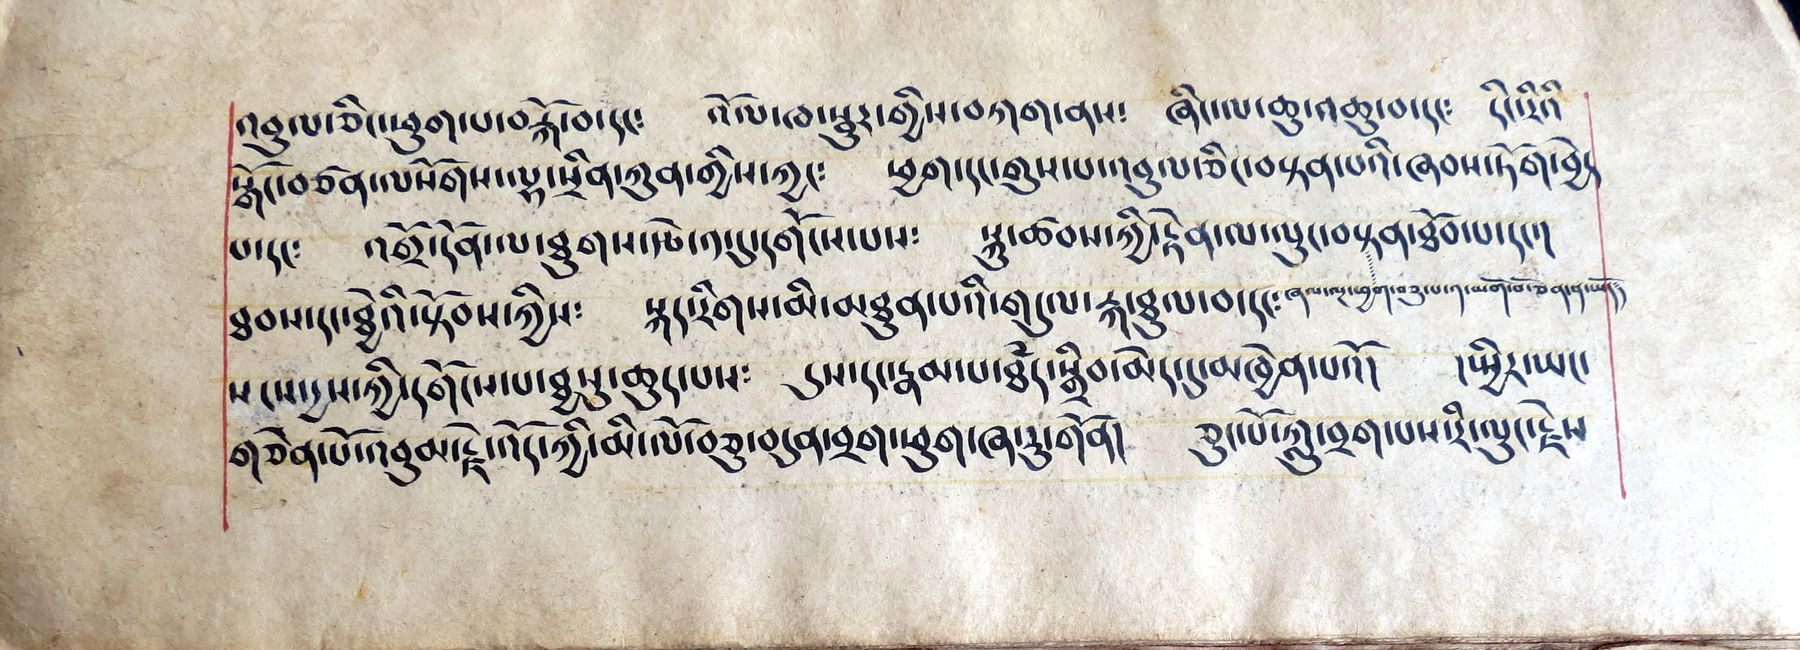འབུལ་ཅིང་ཕུག་པ་བརྐོ་བ་དང་། འོལ་ཁ་སྦུར་གྱིས་བཀག་ནས་ཞིང་ལ་ཆུ་འཆུ་བ་དང་། དིང་རིའི་
སྒང་བཙན་ལས་སོགས་ལྷ་སྲིན་ཀུན་གྱིས་ཀྱང་ཕྱག་དང་གུས་པ་འབུལ་ཞིང་། བསྟན་པའི་ཞབས་ཏོག་བྱེད་
པ་དང་། འགྲོ་དོན་ལ་ཐུགས་རྩེ་གཅིག་ཏུ་དགོངས་པས། སྐུ་ཚབ་ཀྱི་རྟེན་ལ་ལུང་བསྟན་ཐོབ་པ། ༼ཞལ་ལྔ་ཕྱག་བཅུ་པ་ཞིག་མགོ་བོ་ཅན་ན་ཡོད། མཆན༽ 
ཐབས་དང་སྙིང་རྗེའི་སྟོབས་ཀྱིས་སྐད་རིགས་མི་མཐུན་པའི་གདུལ་དཀའ་འདུལ་བ་དང་། 
སངས་རྒྱས་ཀྱི་དགོངས་པ་ཐུགས་སུ་ཆུད་པས། དུས་དང་རྣམ་པ་ཐམས་ཅད་སྒྲིབ་མེད་དུ་མཁྱེན་པའོ། །སྤྱིར་ཡང་
གཅེན་པོ་འབུམ་རྗེ་འོད་ཀྱིས་མི་ལོ་བཅུ་བདུན་བྲག་ཕུག་ཞྭ་རུ་གོན། གཅུང་པོ་ཀླུ་བྲག་པས་རི་ལུང་རྗེས་